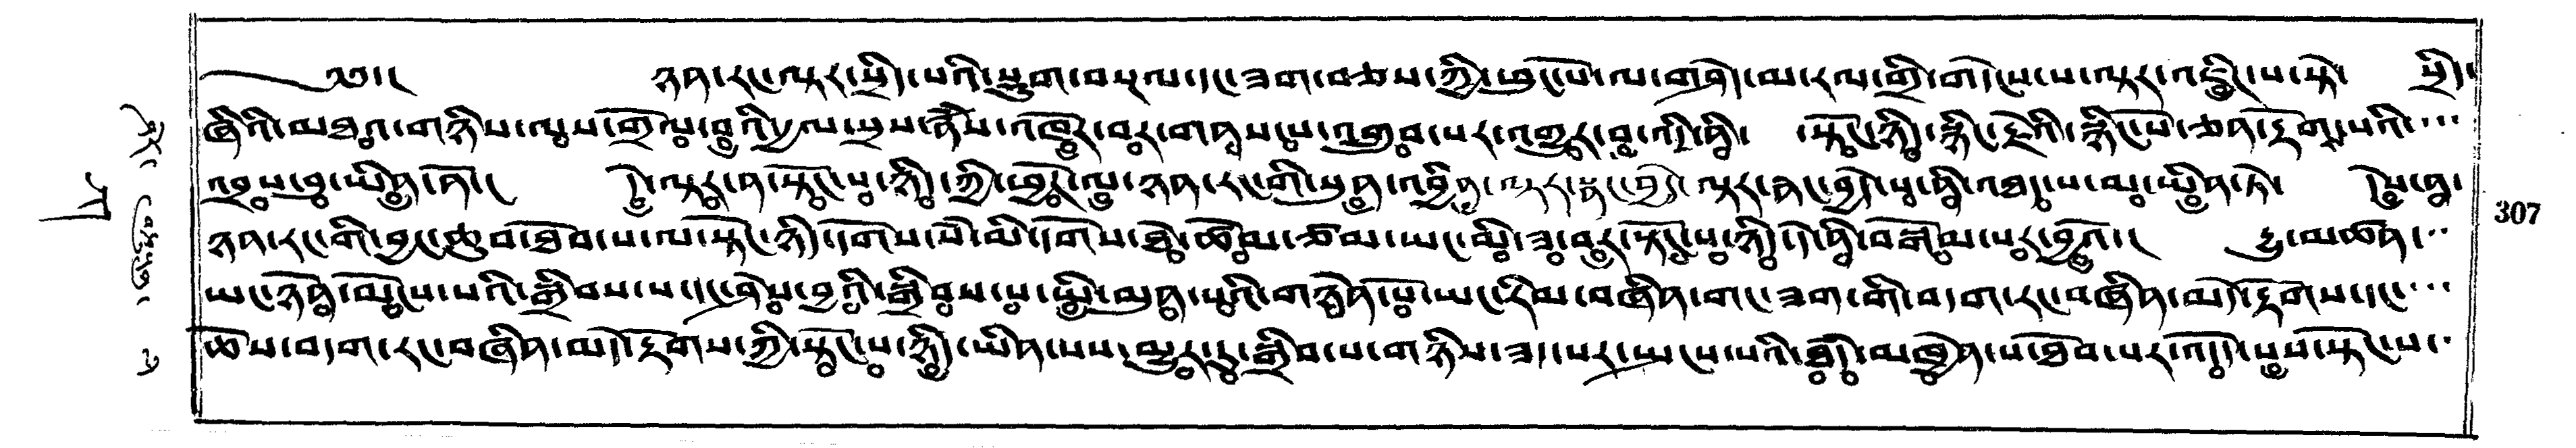ཉན་རང་ལྟར་སྲིད་པའི་སྡུག་བསྔལ་དང་ཟག་བཅས་ཀྱི་ཕུང་པོ་ལ་གཤེད་མ་རལ་གྲི་གདེངས་པ་ལྟར་འཇིགས་པ་སྟེ། སྲིད་
ཞིའི་མཐའ་གཉིས་ལས་གྲོལ་བའི་རྒྱལ་སྲས་རྣམས་འཁོར་བར་གནས་པ་འགྲུབ་པར་འགྱུར་བ་འདི་ནི། སྟོང་ཉིད་སྙིང་རྗེའི་སྙིང་པོ་ཅན་རྟོགས་པའི་
འབྲས་བུ་ཡིན་ནོ། དེ་ལྟར་ན་སྟོང་པ་ཉིད་ཀྱི་ཕྱོགས་ལ་ཉན་རང་གི་སུན་འབྱིན་ལྟར་སྣང་བྱེད་པ་ནི་འཐད་པ་མ་ཡིན་ཏེ། དེས་ན་
ཉན་རང་གི་བྱང་ཆུབ་ཐོབ་པ་ལ་སྟོང་ཉིད་རྟོགས་དགོས་སམ་མི་དགོས་ཐེ་ཚོམ་ཙམ་ཡང་མི་ཟ་བར་སྟོང་པ་ཉིད་དེ་ནི་བསྒོམ་པར་བྱའོ། རྒྱུ་མཚན་
ཡང་ཉོན་མོངས་པའི་སྒྲིབ་པ་དང་ཤེས་བྱའི་སྒྲིབ་པ་ཡི་མུན་པའི་གཉེན་པོ་ཡང་རིམ་བཞིན་གང་ཟག་གི་བདག་རང་བཞིན་མེད་རྟོགས་དང་། 
ཆོས་བདག་རང་བཞིན་མེད་རྟོགས་ཀྱི་སྟོང་པ་ཉིད་ཡིན་པས་མྱུར་དུ་སྒྲིབ་པ་གཉིས་ཟད་པར་སྤངས་པའི་ཐམས་ཅད་མཁྱེན་པ་འཐོབ་པར་འདོད་པས་སྟོང་པ་